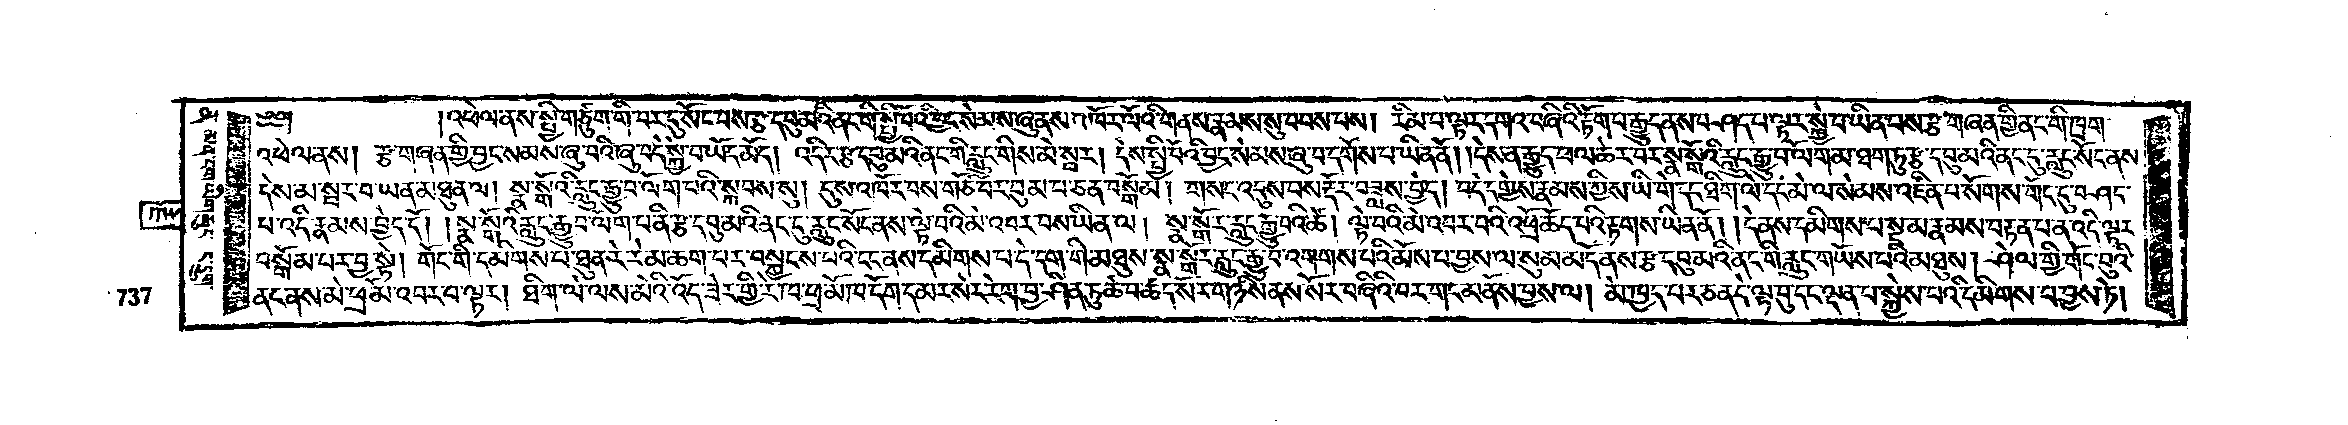༄༅། །འཕེལ་ནས་སྤྱི་གཙུག་གི་བར་དུ་སོང་བས་རྩ་དབུ་མའི་ནང་གི་སྤྱི་བོའི་བྱང་སེམས་ཞུ་ནས་འཁོར་ལོའི་གནས་རྣམས་སུ་བབས་པས། རིམ་པ་ལྟར་དགའ་བཞིའི་རྟོག་པ་རྒྱུད་ནས་བཤད་པ་ལྟར་སྐྱེ་བ་ཡིན་པས་རྩ་གཞན་གྱི་ནང་གི་ཁྲག་
འཕེལ་ནས། རྩ་གཞན་གྱི་བྱང་སེམས་ཞུ་བའི་ཞུ་བདེ་སྐྱེ་བ་ཡོད་མོད། འདིར་རྩ་དབུ་མའི་ནང་གི་རླུང་གིས་མེ་སྦར། དེས་སྤྱི་བོའི་བྱང་སེམས་ཞུ་བ་དགོས་པ་ཡིན་ནོ། །དེས་ན་རྒྱུད་ཕལ་ཆེར་བར་སྣ་སྒོའི་རླུང་རྒྱུ་བ་ལོག་མ་ཐག་ཏུ་རྩ་དབུ་མའི་ནང་དུ་རླུང་སེང་ནས་
དེས་མ་སྦར་བ་ཡན་མཐུན་ལ། སྣ་སྒོའི་རླུང་རྒྱུ་བ་ལོག་པའི་སྐབས་སུ། དུས་འཁོར་བས་གཙོ་བོར་བུམ་པ་ཅན་བསྒོམ། གསང་འདུས་པས་རྡོར་བཟླས་བྱེད། བདེ་དགྱེས་རྣམས་ཀྱིས་ཡི་གེ་དང་ཐིག་ལེ་དང་མེ་ལ་སེམས་འཛིན་པ་སོགས་གོང་དུ་བཤད་
པ་འདི་རྣམས་བྱེད་དོ། །སྣ་སྒོའི་རླུང་རྒྱུ་བ་ལོག་པ་ནི་རྩ་དབུ་མའི་ནང་དུ་རླུང་སོང་ནས་ལྟེ་བའི་མེ་འབར་བས་ཡིན་ལ། སྣ་སྒོར་རླུང་རྒྱུ་བའི་ཚེ། ལྟེ་བའི་མེ་འབར་བའི་འཕྲོ་ཆོད་པའི་རྟགས་ཡིན་ནོ། །དེ་ནས་དམིགས་པ་སྔ་མ་རྣམས་བརྟན་པ་ན་འདི་ལྟར་
བསྒོམ་པར་བྱ་སྟེ། གོང་གི་དམིགས་པ་ཐུན་རེ་རེ་མ་ཆག་པར་བསྐྱངས་པའི་ངང་ནས་དམིགས་པ་དེ་དག་གི་མཐུས་སྣ་སྒོར་རླུང་རྒྱུ་བ་འགགས་པའི་མོས་པ་བྱས་ལ་སུམ་མདོ་ནས་རྩ་དབུ་མའི་ནང་གི་རླུང་གཡོས་པའི་མཐུས། ཤེལ་གྱི་གོང་བུའི་
ནང་ནས་མེ་ཕྲ་མོ་འབར་བ་ལྟར། ཐིག་ལེ་ལས་མེའི་འོད་ཟེར་གྱི་རེ་ཁ་ཕྲ་མོ་ཁ་དོག་དམར་སེར་རེག་བྱ་ཤིན་ཏུ་ཚ་བ་ཚད་སོར་གཉིས་ནས་སོར་བཞིའི་བར་གང་མ་ནོས་བྱས་ལ། མེ་ཁྱད་པར་ཅན་དེ་ལྟ་བུ་དང་ལྡན་པ་སྐྱེས་པའི་དམིགས་པ་བྱས་ཏེ།